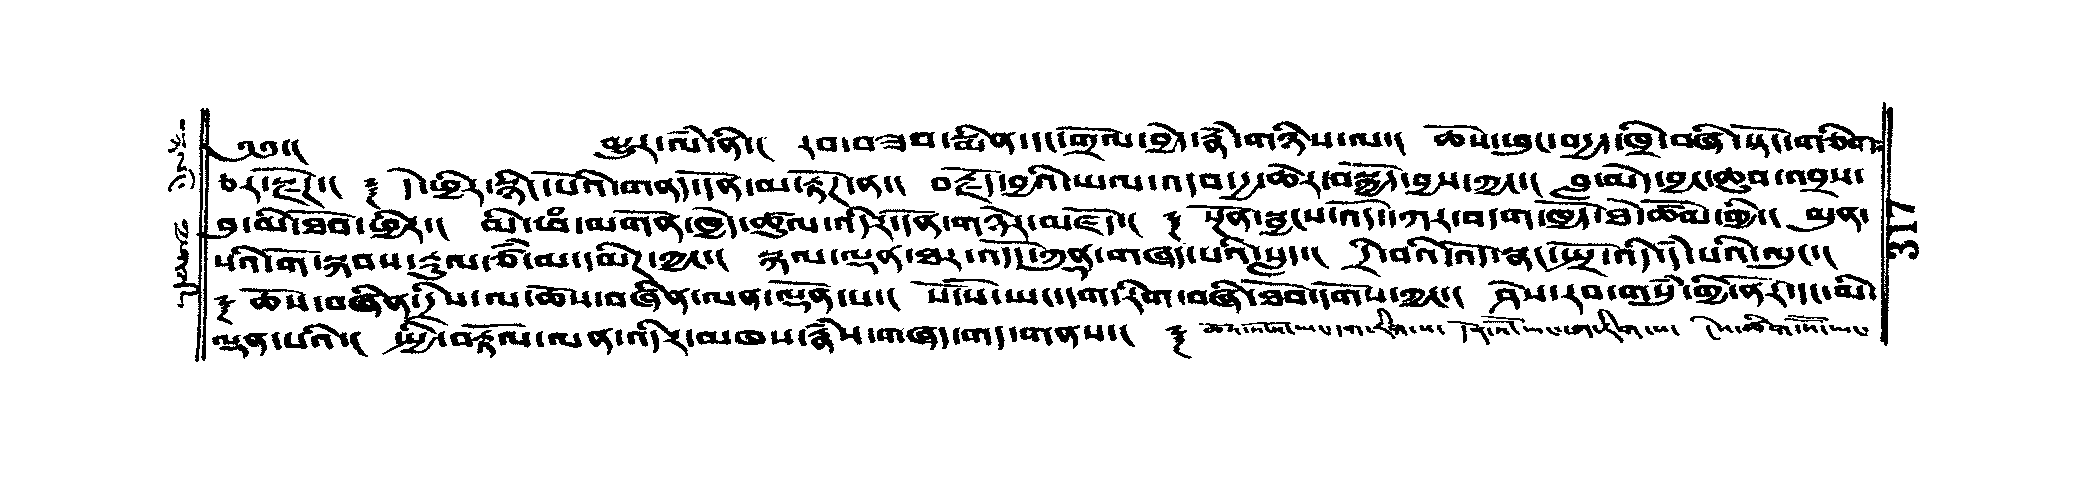མྱུར་ལམ་ནི། །རབ་ཟབ་སྨིན་དང་གྲོལ་བྱེད་རྣམ་གཉིས་ལ། །ཆོས་ཕུང་བརྒྱད་ཁྲི་བཞི་སྟོང་གཅིག་
ཅར་རྫོགས། །དེ་ཕྱིར་སྙིང་པོའི་གནད་དོན་མ་རྟོགས་ན། །བརྗོད་བྱའི་ཡལ་འདབ་རྒྱ་ཆེར་བསྐྱོད་བྱས་ཀྱང་། །བླ་མེད་བྱང་ཆུབ་འབྲས་
བུ་མི་ཐོབ་ཕྱིར། །མི་ཕམ་མགོན་ཁྱེད་ཚུལ་འདིར་དོན་གཉེར་མཛོད། །སྔོན་སྦྱངས་འོད་དཀར་བདག་ཁྱོད་ཐེ་ཚོམ་གྱི། །མུན་
པའི་གོ་སྐབས་རྡུལ་ཙམ་མ་དམིགས་ཀྱང་། །སྐལ་ལྡན་ཐར་འདོད་ཀུནྡ་བཞད་པའི་སླད། །དྲི་བའི་འོད་སྣང་སྤྲོ་འདི་དམ་པའི་ལུང་། །
ཆོས་བཞིན་དྲིས་ལ་ཆོས་བཞིན་ལན་ལྡོན་པ། །སོ་སོ་ཡང་དག་རིག་བཞི་ཐོབ་དགོས་ཀྱང་། །ཤེས་རབ་གསུམ་གྱི་ནོར་དང་མི་
ལྡན་པའི། །ཅི་བརྟོལ་ལན་འདིར་མཁས་རྣམས་བཞད་གད་གནས།